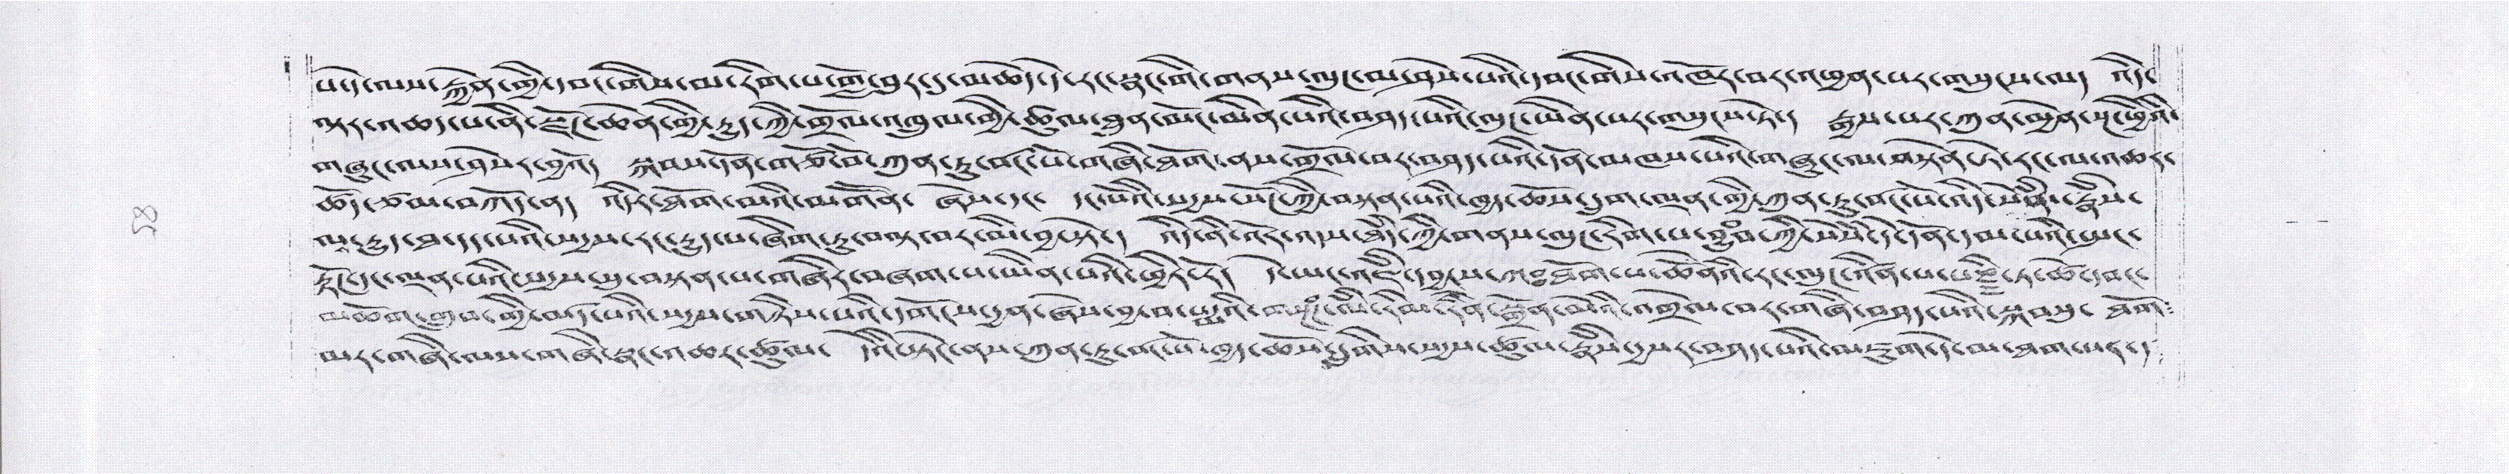པ་དེ་ལས་རྐྱེན་གྱི་དབང་གིས་མ་རིག་པ་གློ་བུར་མཆེད་དེ་རང་སྣང་གི་གནས་ལུགས་མ་ཤེས་པའི་དབང་གིས་འཁོར་བར་འཕྱན་པར་གསུངས་ལ། འདི་
ལྟར་འཆད་པ་ནི་རྫོགས་ཆེན་གྱི་རྒྱུད་ཀྱི་གྲོལ་འཁྲུལ་གྱི་ཚུལ་ཐུན་མོང་མིན་པའི་བཤད་པའི་ལུགས་ཡིན་པར་གསུངས་ཏེ། རྒྱས་པར་ཀུན་མཁྱེན་སྔ་ཕྱིའི་
གཞུང་ལས་ཤེས་པར་བྱའོ། སྐབས་དོན་གཙོ་བོ་ཀུན་ཏུ་བཟང་པོ་གཞི་ཐོག་ནས་གྲོལ་བར་བཤད་པའི་དོན་མཁས་པའི་གཞུང་ལ་བརྟེན་ཏེ་རང་ལ་འཆར་
ཚོད་ཙམ་བཀོད་ན། འདིར་ཐོག་མའི་མགོན་པོ༑ ཞེས་དང་། དང་པོའི་སངས་རྒྱས་སོགས་ཀྱིས་བསྟན་པའི་ཁྱད་ཆོས་དྲུག་ལྡན་གྱི་ཀུན་ཏུ་བཟང་པོ་འདི་སེམས་ཅན་རྣམས་
ལས་རྒྱུད་ཐ་དད་པའི་སངས་རྒྱས་རང་རྒྱུད་པ་ཞིག་ཏུ་བལྟ་བར་མི་བྱ་སྟེ། འདི་ནི་འཁོར་འདས་ཐམས་ཅད་ཀྱི་གནས་ལུགས་རིག་པ་བྱང་ཆུབ་ཀྱི་སེམས་དེ་དོན་དམ་པའི་སྤང་
རྟོགས་དང་ལྡན་པའི་སངས་རྒྱས་སུ་བསྟན་པ་གཞིར་བཞག་པ་ཡིན་པའི་ཕྱིར་རོ། དེ་ཡང་འཇམ་དབྱངས་ཀ་ཐོག་པ་ཆེན་པོའི་རང་ལུགས་འཛིན་པ་པཎྚི་ཚེ་དབང་
མཆོག་གྲུབ་ཀྱིས་མཛད་པའི་སངས་རྒྱས་གཉིས་པའི་དགོངས་རྒྱན་ཞེས་བྱ་བ་པདྨའི་གསང་སྔགས་ལམ་རིམ་རིན་ཆེན་སྒྲོན་མའི་འགྲེལ་བར་གཞི་བཤད་པའི་སྐབས་སུ། ཐོག་
མར་གཞི་ལས་གཞི་སྣང་འཆར་ཚུལ། དེའི་སྟེང་ནས་ཀུན་ཏུ་བཟང་པོ་ཁྱད་ཆོས་དྲུག་གིས་སངས་རྒྱས་ཚུལ་རྣམས་རྒྱས་པར་བཤད་པའི་མཇུག་དེ་མ་ཐག་པར་